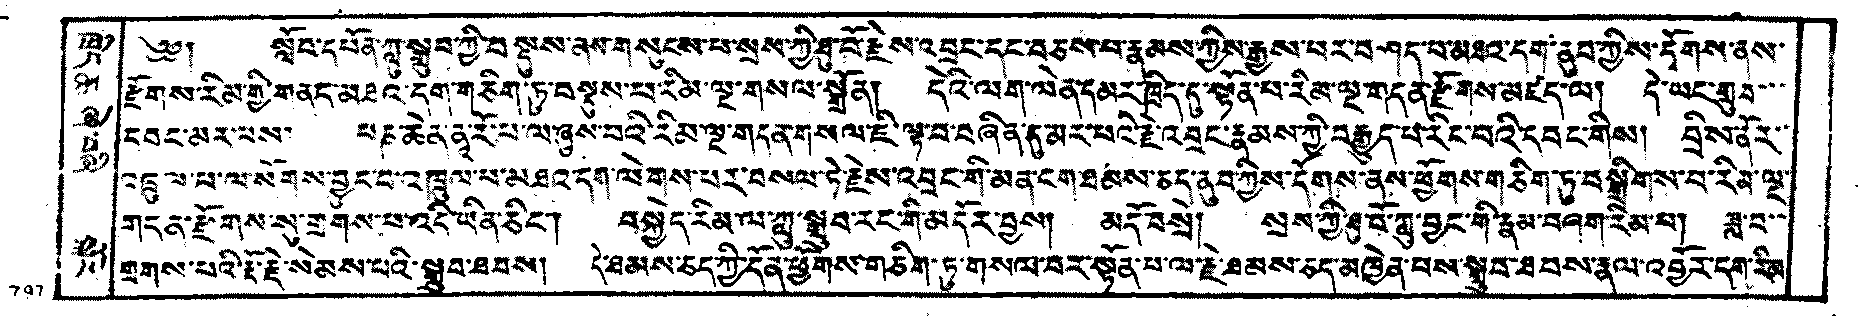༄༅། །སློབ་དཔོན་ཀླུ་སྒྲུབ་ཀྱི་བསྡུས་ནས་གསུངས་པ་སྲས་ཀྱི་ཐུ་བོ་རྗེས་འབྲང་དང་བཅས་པ་རྣམས་ཀྱིས་རྒྱས་པར་བཤད་པ་མཐའ་དག་ནུབ་ཀྱིས་དྭོགས་ནས་
རྫོགས་རིམ་གྱི་གནད་མཐའ་དག་གཅིག་ཏུ་བསྡུས་པ་རིམ་ལྔ་གསལ་སྒྲོན། དེའི་ལག་ལེན་དམར་ཁྲིད་དུ་སྟོན་པ་རིམ་ལྔ་གདན་རྫོགས་མཛད་ལ། དེ་ཡང་གྲུབ་
དབང་མར་པས། པཎ་ཆེན་ནཱ་རོ་པ་ལ་ཞུས་པའི་རིམ་ལྔ་གདན་གསལ་ཇི་ལྟ་བ་བཞིན་དུ་མར་པའི་རྗེ་འབྲང་རྣམས་ཀྱི་བརྒྱུད་པ་རིང་བའི་དབང་གིས། བྲིས་ནོར་
འཁྲུལ་པ་ལ་སོགས་བྱུང་བ་འཁྲུལ་པ་མཐའ་དག་ལེགས་པར་བསལ་ཏེ་རྗེས་འབྲང་གི་མན་ངག་ཐམས་ཅད་ནུབ་ཀྱིས་དོགས་ནས་ཕྱོགས་གཅིག་ཏུ་བསྒྲིགས་པ་རིམ་ལྔ་
གདན་རྫོགས་སུ་གྲགས་པ་འདི་ཡིན་ཅིང་། བསྐྱེད་རིམ་ལ་ཀླུ་སྒྲུབ་རང་གི་མདོར་བྱས། མདོ་བསྲེ། སྲས་ཀྱི་ཐུ་བོ་ཀླུ་བྱང་གི་རྣམ་བཞག་རིམ་པ། ཟླ་བ་
གྲགས་པའི་རྡོ་རྗེ་སེམས་པའི་སྒྲུབ་ཐབས། དེ་ཐམས་ཅད་ཀྱི་དོན་ཕྱོགས་གཅིག་ཏུ་གསལ་བར་སྟོན་པ་ལ་རྗེ་ཐམས་ཅད་མཁྱེན་པས་སྒྲུབ་ཐབས་རྣལ་འབྱོར་དག་རིམ་